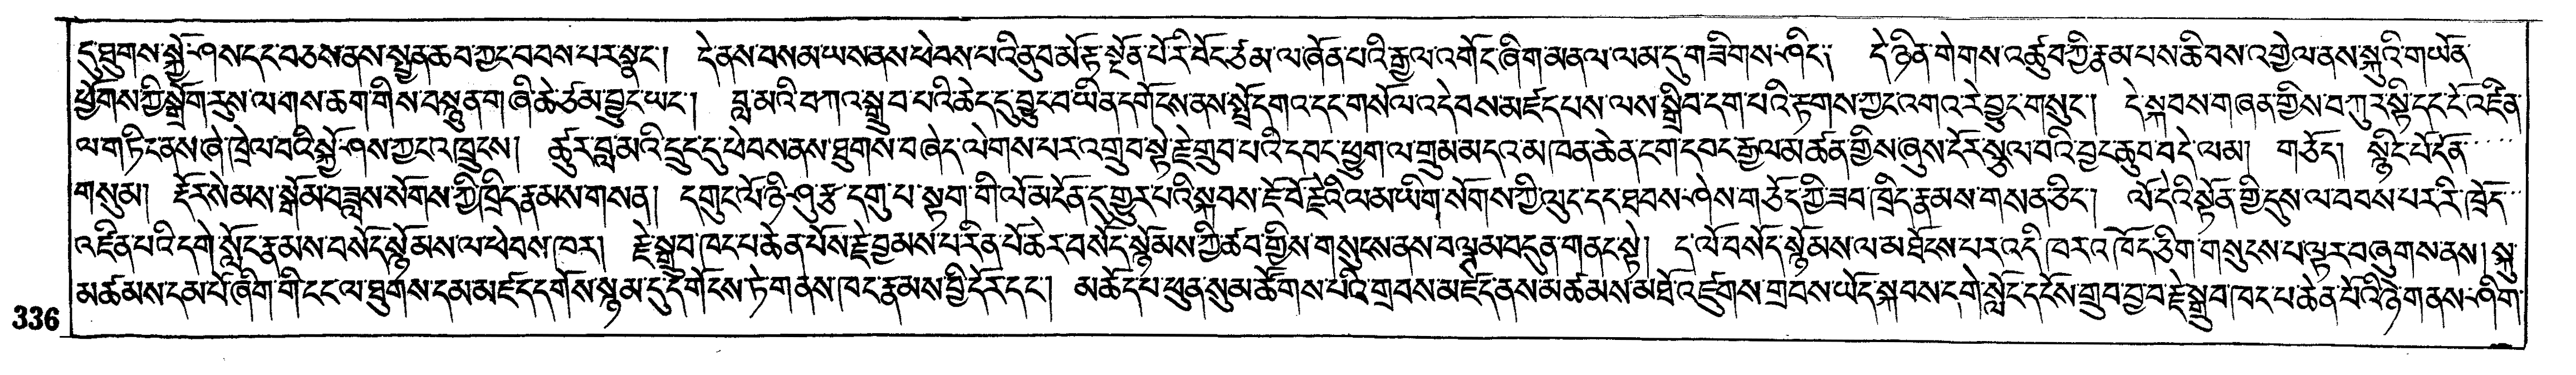དུ་ཐུགས་སྐྱོ་ཤས་དང་བཅས་ནས་སྦྱན་ཆབ་ཀྱང་བབས་པར་སྣང་། དེ་ནས་བསམ་ཡས་ཕེབས་པའི་ནུབ་མོ་རྟ་སྔོན་པོ་རི་བོང་ཙམ་ལ་ཞོན་པའི་རྒྱལ་འགོད་ཞིག་མནལ་ལམ་དུ་གཟིགས་ཤིང་། དེ་ཉིན་གེགས་འཚུབ་ཀྱི་རྣམ་པས་ཆིབས་འགྱེལ་ནས་སྐུའི་གཡོན་
ཕྱོགས་ཀྱི་སྒྲོག་རུས་ལགས་ཆག་གིས་བསྙུན་གཞི་ཆེ་ཙམ་བྱུང་ཡང་། བླ་མའི་བཀའ་སྒྲུབ་པའི་ཆེད་དུ་བྱུང་བ་ཡིན་དགོངས་ནས་སྤྲོ་དགའ་དང་གསོལ་འདེབས་མཛད་པས་ལས་སྒྲིབ་དག་པའི་རྟགས་ཀྱང་འགའ་རེ་བྱུང་གསུང་། དེ་སྐབས་གཞན་གྱིས་བཀུར་སྟི་དང་ངོ་འཛིན་
ལ་གཏིང་ནས་ཞེ་ཁྲེལ་བའི་སྐྱོ་ཤས་ཀྱང་འཁྲུངས། ཚུར་བླ་མའི་དྲུང་དུ་ཕེབས་ནས་ཐུགས་བཞེད་ལེགས་པར་འགྲུབ་སྟེ་རྗེ་གྲུབ་པའི་དབང་ཕྱུག་ལ་གྲུམ་མདའ་མཁན་ཆེན་ངག་དབང་རྒྱལ་མཚན་གྱིས་ཞུས་ངོར་སྩལ་བའི་བྱང་ཆུབ་བདེ་ལམ། གཅོད། སྙིང་པོ་དོན་
གསུམ། རྡོར་སེམས་སྒོམ་བཟླས་སོགས་ཀྱི་ཁྲིད་རྣམས་གསན། དགུང་ལོ་ཉི་ཤུ་རྩ་དགུ་པ་སྟག་གི་ལོ་མངོན་དུ་གྱུར་པའི་སྐབས་ཇོ་བོ་རྗེའི་ལམ་ཡིག་སོགས་ཀྱི་ལུང་དང་ཐབས་ཤེས་གཅོད་ཀྱི་ཟབ་ཁྲིད་རྣམས་གསན་ཅིང་། ལོ་དེའི་སྟོན་གྱི་དུས་ལ་བབས་པ་ན་རི་ཁྲོད་
འཛིན་པའི་དགེ་སློང་རྣམས་བསོད་སྙོམས་ལ་ཕེབས་ཁར། རྗེ་སྒྲུབ་ཁང་པ་ཆེན་པོས་རྗེ་བྱམས་པ་རིན་པོ་ཆེར་བསོད་སྙོམས་ཀྱི་ཚབ་གྱིས་གསུངས་ནས་བལྚམ་བདུན་གནང་སྟེ། ད་ལོ་བསོད་སྙོམས་ལ་མ་ཐེངས་པར་འདི་ཁར་འཁོད་ཅིག་གསུངས་པ་ལྟར་བཞུགས་ནས། སྐུ་
མཚམས་དམ་པོ་ཞིག་གི་ངང་ལ་ཐུགས་དམ་མཛད་དགོས་སྙམ་དུ་དགོངས་ཏེ་གནས་ཁང་རྣམས་བྱི་དོར་དང་། མཆོད་པ་ཕུན་སུམ་ཚོགས་པའི་གྲབས་མཛད་ནས་མཚམས་མཐོ་འཛུགས་གྲབས་ཡོད་སྐབས་དགེ་སློང་དངོས་གྲུབ་བྱ་བ་རྗེ་སྒྲུབ་ཁང་པ་ཆེན་པོའི་ཉེ་གནས་ཤིག་